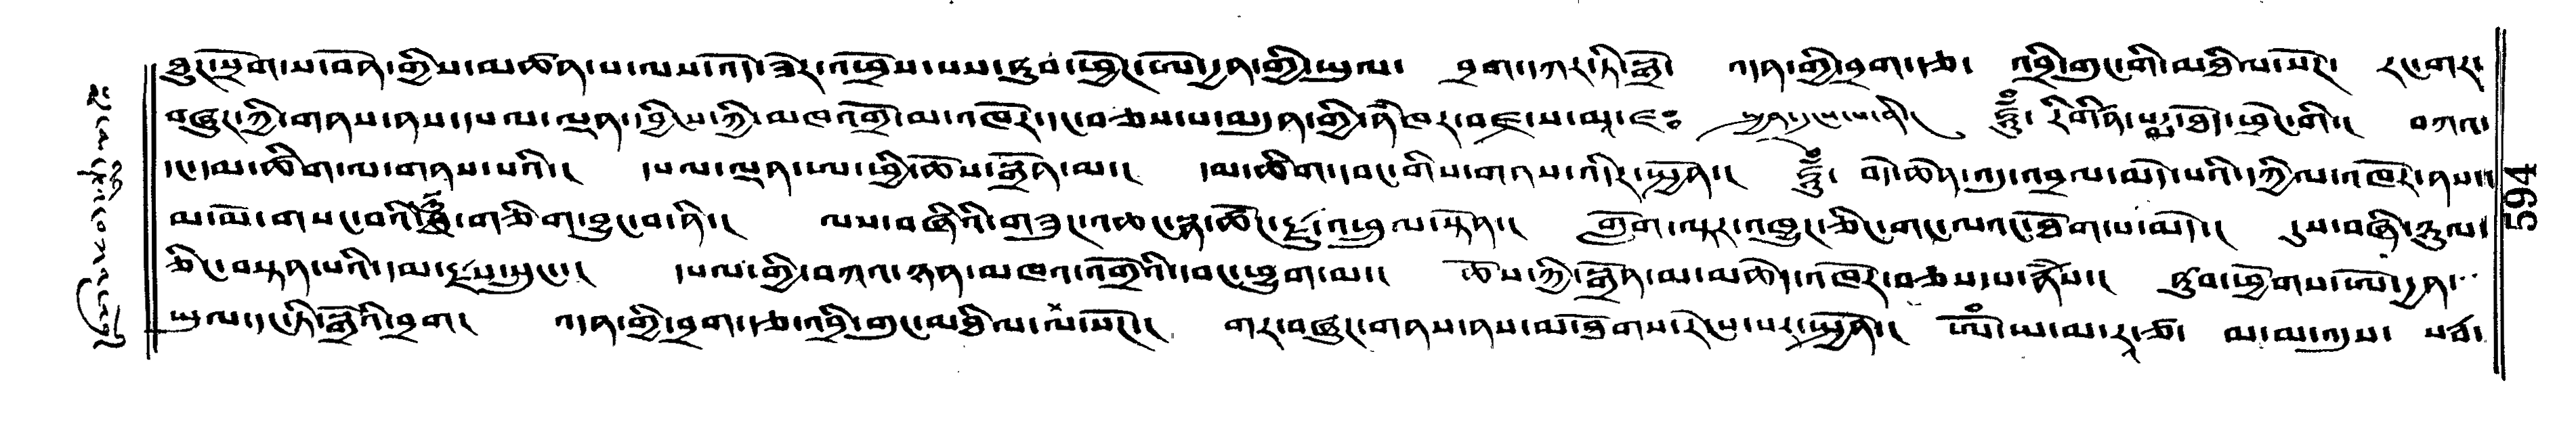ཐུགས་སྲོག་ས་བོན་གྱིས་མཚན་པ་ལས་འོད་ཟེར་འཕྲཽས་པས་ནུབ་ཕྱོགས་ཨོ་རྒྱན་གྱི་ཡུལ། བྲག་དཀར་ཏི་སྒྲོ། འདན་གྱི་བྲག་རྩ། འབྲི་གུང་གི་མཐིལ་སོགས། རང་རང་གར་
བཞུགས་ཀྱི་གནས་ནས་དཔལ་ལྡན་དབྱིངས་ཀྱི་མཁའ་འགྲོ་མ་འཁོར་དང་བཅས་པ་མདུན་གྱི་ནམ་མཁར་བཛྲ་ས་མཱ་ཛ༔ སྤྱན་འདྲེན་པ་ནི། ཧཱུྃ། རིག་འཛིན་པདྨ་ཐོད་ཕྲེང་གི། །བཀའ་
དང་དམ་ཚིག་ལ་གནས་པའི། །དཔལ་ལྡན་ཨ་ཕྱི་ཆོས་སྒྲོན་མ། །དམ་ཚིག་དབང་གིས་གནས་འདིར་སྤྱོན། །ཧཱུྃ། བདེ་ཆེན་འདུ་འབྲལ་མེད་པའི་དཀྱིལ་འཁོར་ནས། །
མ་མོ་གསང་བའི་སྐུ་གཅིག་བྱུང་བ་ནི། །ལས་བཞིའི་གཟུགས་འཆང་སྣ་ཚོགས་རྫུ་འཕྲུལ་སྟོན། །གློག་ལྟར་འཁྱུག་ཅིང་གང་ལའང་ཐོགས་པ་མེད། །དུས་བཞིན་ཉུལ་
ཅིང་བསྟན་པའི་དམ་རྫས་སྲུང་། །དཔལ་གྱི་བཀའ་ཉན་མཁའ་འགྲོའི་དབང་ཕྱུག་མ། །ཆོས་ཀྱི་སྒྲོན་མ་མཆོད་འཁོར་བཅས་པ་རྣམས། །ནུབ་ཕྱོགས་ཨོ་རྒྱན་
ཡུལ་དང་ཏི་སྒྲོའི་བྲག། འདན་གྱི་བྲག་རྩ་འབྲི་གུང་མཐིལ་ལ་སོགས། །གར་བཞུགས་གནས་ནས་མ་ཐོགས་རིངས་པར་སྤྱོན། །ཨོཾ་ཡ་མ་རཱ་ཙ།མ་མ་འདུས། སརྦ་ ༼